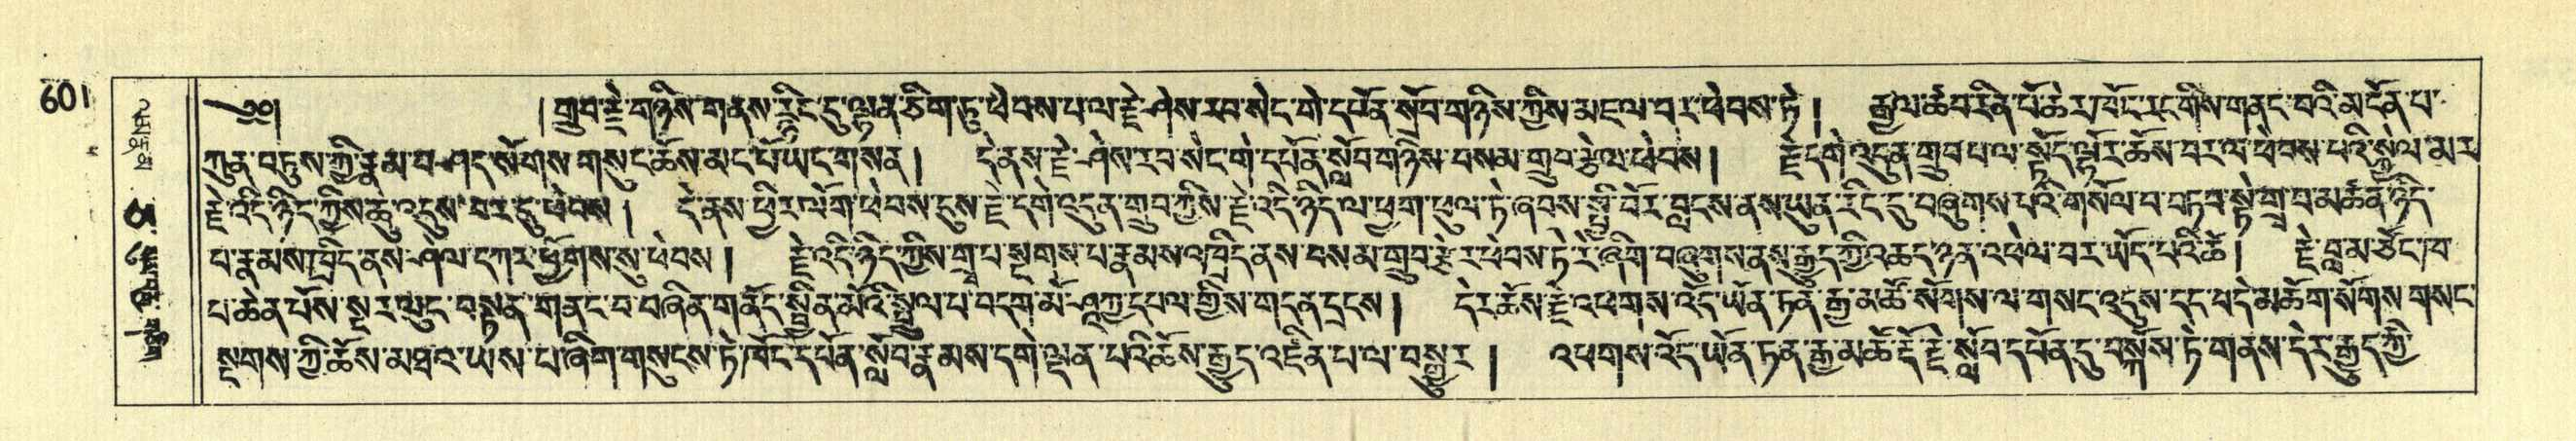༄༅། །གྲུབ་རྗེ་གཉིས་གནས་རྙིང་དུ་ལྷན་ཅིག་ཏུ་ཕེབས་པ་ལ་རྗེ་ཤེས་རབ་སེང་གེ་དོན་སྲོབ་གཉིས་ཀྱིས་མཇལ་བར་ཕེབས་ཏེ། རྒྱལ་ཚབ་རིན་པོ་ཆེར་ཁོང་རང་གི་གནང་བའི་མདོན་པ་
ཀུན་བཏུས་ཀྱི་རྣམ་བཤད་སོགས་གསུང་ཆོས་མང་པོ་ཡང་གསན། དེ་ནས་རྗེ་ཤེས་རབ་སེང་གེ་དཔོན་སློབ་གཉིས་བསམ་གྲུབ་རྩེལ་ཕེབས། རྗེ་དགེ་འདུན་གྲུབ་པ་ལ་སྟོད་ལྷོར་ཆོས་བར་ལ་ཕེབས་པའི་སྐྱེལ་མར་
རྗེ་འདི་ཉིད་ཀྱིས་ཆུ་འདུས་བར་དུ་ཕེབས། དེ་ནས་ཕྱིར་ལོག་ཕེབས་དུས་རྗེ་དགེ་འདུན་གྲུབ་ཀྱིས་རྗེ་འདི་ཉིད་ལ་ཕྱག་ཕུལ་ཏེ་ཞབས་སྤྱི་བོར་བླངས་ནས་ཡུན་རིང་དུ་བཞུགས་པའི་གསོལ་བ་བཏབ་སྟེ་གྲྭ་པ་མཚན་ཉིད་
པ་རྣམས་ཁྲིད་ནས་ཤེལ་དཀར་ཕྱོགས་སུ་ཕེབས། རྗེ་འདི་ཉིད་ཀྱིས་གྲྭ་པ་སྔགས་པ་རྣམས་འཁྲིད་ནས་བསམ་གྲུབ་རྩེར་ཕེབས་ཏེ་རེ་ཞིག་བཞུགས་ནས་རྒྱུད་ཀྱི་འཆད་ཉན་འཕེལ་བར་ཡོད་པའི་ཚེ། རྗེ་བླ་མ་ཙོང་ཁ་
པ་ཆེན་པོས་སྔར་ལུང་བསྟན་གནང་བ་བཞིན་གནོད་སྦྱིན་མོའི་སྤྲུལ་པ་བདག་མོ་ཤཱཀྱ་དཔལ་གྱིས་གདན་དྲངས། དེར་ཆོས་རྗེ་འཕགས་འོད་ཡོན་ཏན་རྒྱ་མཚོ་སོགས་ལ་གསང་འདུས་དང་བདེ་མཆོག་སོགས་གསང་
སྔགས་ཀྱི་ཆོས་མཐའ་ཡས་པ་ཞིག་གསུངས་ཏེ་ཁོང་དཔོན་སློབ་རྣམས་དགེ་ལྡན་པའི་ཆོས་རྒྱུད་འཛིན་པ་ལ་བསྒྱུར། འཕགས་འོད་ཡོན་ཏན་རྒྱ་མཚོ་རྡོ་རྗེ་སློབ་དཔོན་དུ་བསྐོས་ཏེ་གནས་དེར་རྒྱུད་ཀྱི་